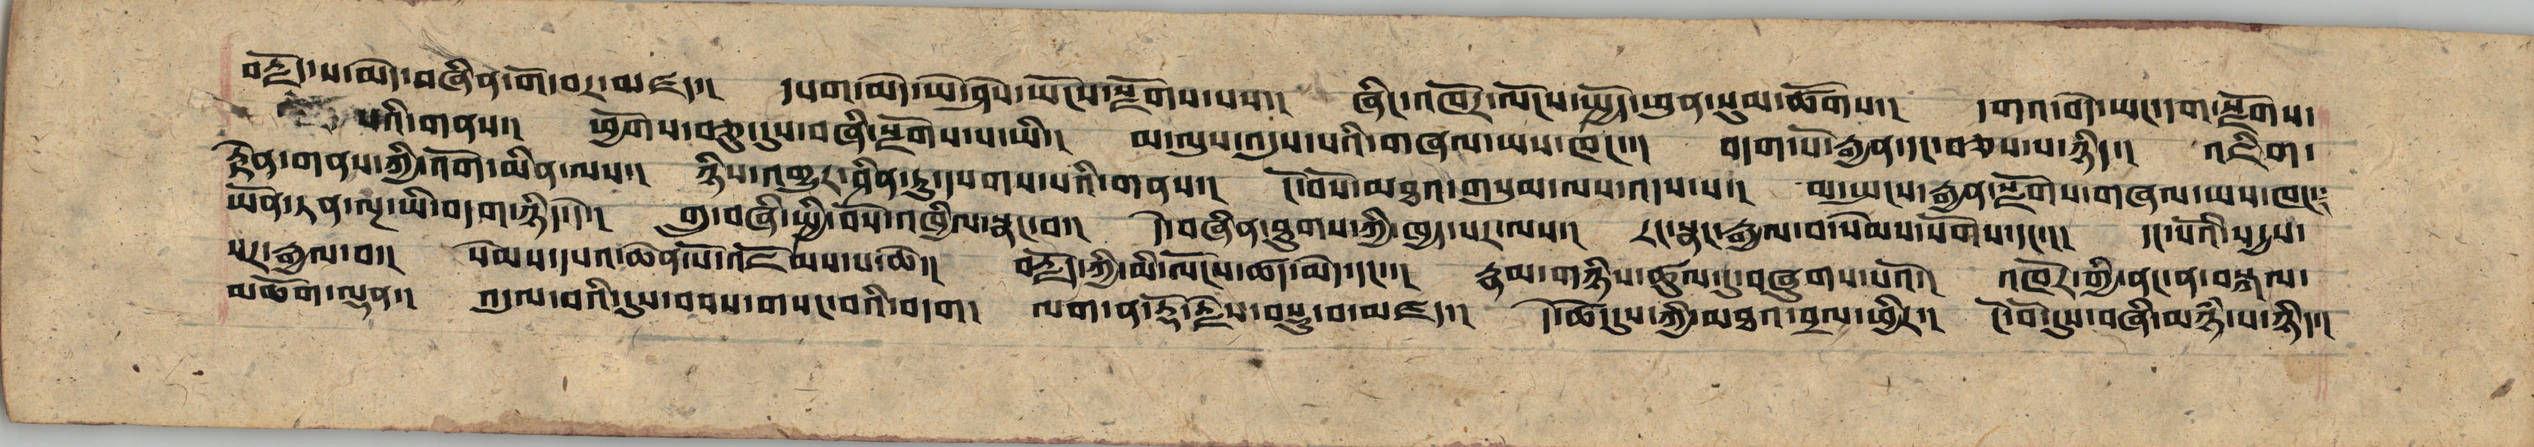བརྗོད་པ་མེད་བཞིན་གོ་བར་མཛད་། དཔག་མེད་ཡེ་ཤེས་ཡོངས་སྫོགས་པས་། ཞིང་འཁོར་ལོངས་སྤྱོད་ཕུན་སུམ་ཚོགས་། དགའ་བདེ་ཡང་དག་སྫོགས་
པའི་གནས་། ཕྱོགས་བཅུ་དུས་བཞི་སྫོགས་པ་ཡི་། མ་ལུས་འདུས་པའི་གཞལ་ཡས་ཁང་་། བདག་པོ་རྒྱན་དང་བཅས་པ་ཉིད་། འཇིག་
རྟེན་གནས་ཀྱི་འོག་མིན་ལས་། ཉིས་འགྱུར་ཤིན་ཏུ་དཔགས་པའི་གནས་། ངོ་བོས་མཐའ་གསུམ་ལས་འདས་པ་། མ་སྤངས་རྒྱན་སྫོགས་གཞལ་ཡས་ཁང་༑
ཡོན་ཏན་ལྔ་ཡི་བདག་ཉིད་དེ་། གྲུ་བཞི་སྤྱི་བོས་འཁྱིལ་སྣང་བ་། དེ་བཞིན་ཐུགས་ཀྱི་ཁྱད་པར་ལས་། རང་སྣང་རྒྱལ་བ་སེམས་སོགས་དང་།། དང་པོའི་སདྱས་
པར་རྒྱལ་བ་། སེམས་དཔའ་ཆེན་པོ་འཇོམས་པ་ཆེ་། བརྗོད་ཀྱི་མི་ལོངས་ཚད་མེད་དང་་། རྣམ་གཉིས་ཚུལ་དུ་བཞུགས་པའོ་། འཁོར་གྱི་ནང་ན་བསྐལ་
མཆོག་ལྡན་། འདུལ་བའི་དུས་བབས་གསང་བའི་བདག། ལག་ན་རྡོ་རྗེས་བསྡུ་བ་མཛད་། དེ་ཚེ་དུས་ཀྱི་མཐའ་བྲལ་ཕྱིར་། ངོ་བོ་དུས་བཞི་མཉཾ་པ་ཉིད་།